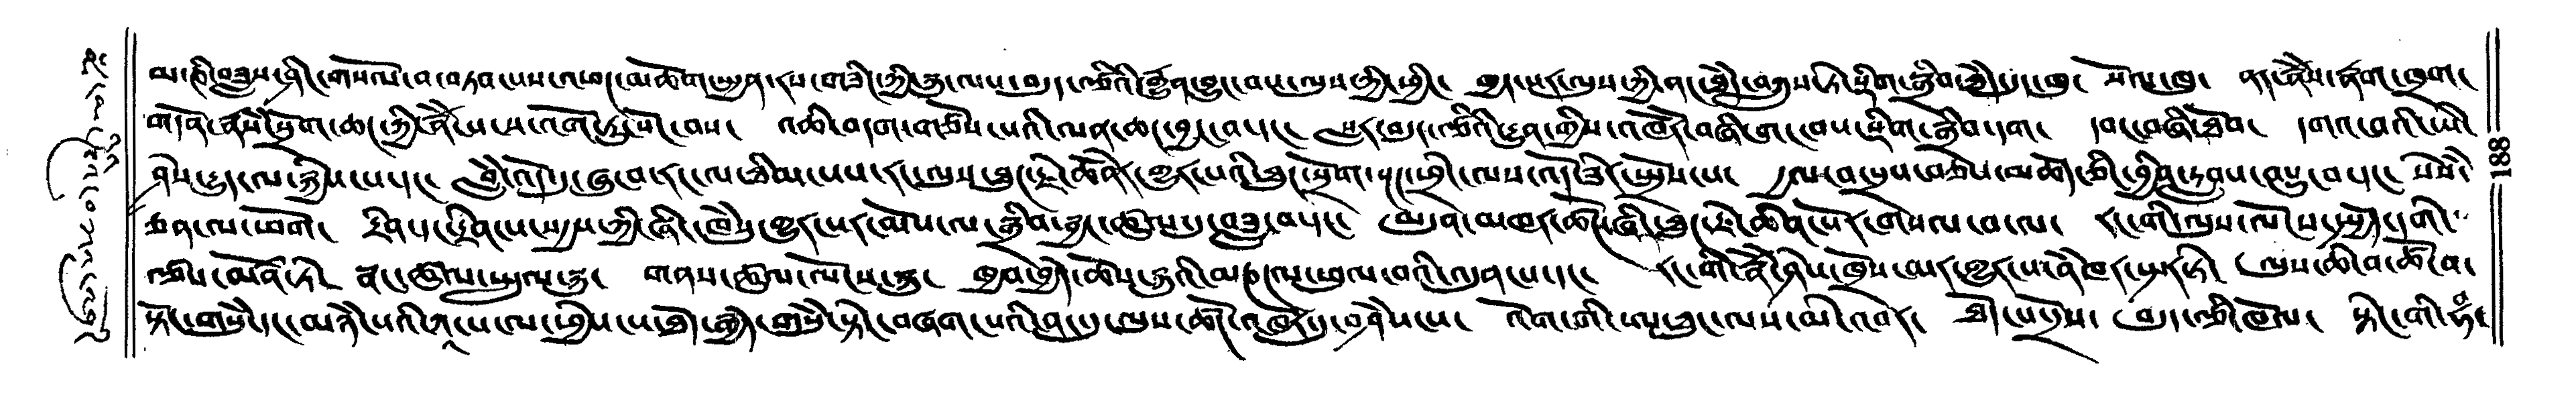མ་ཎི་བཟླས་ཤིང་གསོལ་བ་བཏབ་པས་འཕགས་མཆོག་སྤྱན་རས་གཟིགས་གྱི་སྐུ་ལས་བདུད་རྩིའི་རྒྱུན་བྱུང་བས་ལུས་ཀྱི་ཕྱི་དང་། ཁྱད་པར་ལུས་ཀྱི་ནང་ཐམས་ཅད་བཀྲུས་ཏེ་སྡིག་སྒྲིབ་ཐམས་ཅད་དུད་ཁུ། སོལ་ཁུ། ནད་རྣམས་རྣག་ཁྲག 
གདོན་རྣམས་སྲོག་ཆགས་ཀྱི་རྣམ་པ་འོག་ཏུ་སོང་བས། འཆི་བདག་གིས་གཙོས་པའི་ལན་ཆགས་བྱང་བ་དང་། སླར་བདུད་རྩིའི་རྒྱུན་གྱིས་འཁོར་ལོ་བཞི་གང་བས་སྡིག་སྒྲིབ་དག དབང་བཞི་ཐོབ། དགའ་བཞིའི་ཡེ་
ཤེས་རྒྱུད་ལ་སྐྱེས་པ་དང། བླ་མ་འོད་དུ་ཞུ་བ་རང་ལ་ཐིམ་པས་རང་ལུས་ཐུགས་རྗེ་ཆེན་པོར་གྱུར་པའི་ཐུགས་སྲོག་དང་སྔགས་ཕྲེང་ལས་འོད་ཟེར་སྤྲོས་པ་རྒྱལ་བ་སྲས་བཅས་མཆོད་ཅིང་བྱིན་རླབས་བསྡུས་པ་དང་། སེམས་
ཅན་ལ་ཕོག བརྟེན་དང་རྟེན་པ་སངས་རྒྱས་ཀྱི་ཞིང་ཁམས་སུ་གྱུར་པར་མོས་ལ་སྒྲིབ་སྦྱོང་ཚུལ་དུ་བཟླ་བ་དང་། རང་གི་རྣམ་ཤེས་ཁྲོས་མར་གྱུར་པ་ནམ་མཁར་སྤར་ཏེ། ལུས་ཆེ་བ་ཚོ་བ་
སྟོང་གསུམ་དང་མཉམ་པའི་ཀཱ་པ་ལ་ཕྱེས་པ་ཐོད་སྒྱེད་གསུམ་སྟེང་བཞག་པའི་ནང་དུ་ལུས་ཚོགས་འཁོར་དུ་བཤམས་པ། འོག་གི་ཨ་ཐུང་ལས་མེ་འབར། ཐོད་པ་དྲོས། བདུད་རྩི་ཁོལ། སྟེང་གི་ཧཾ་